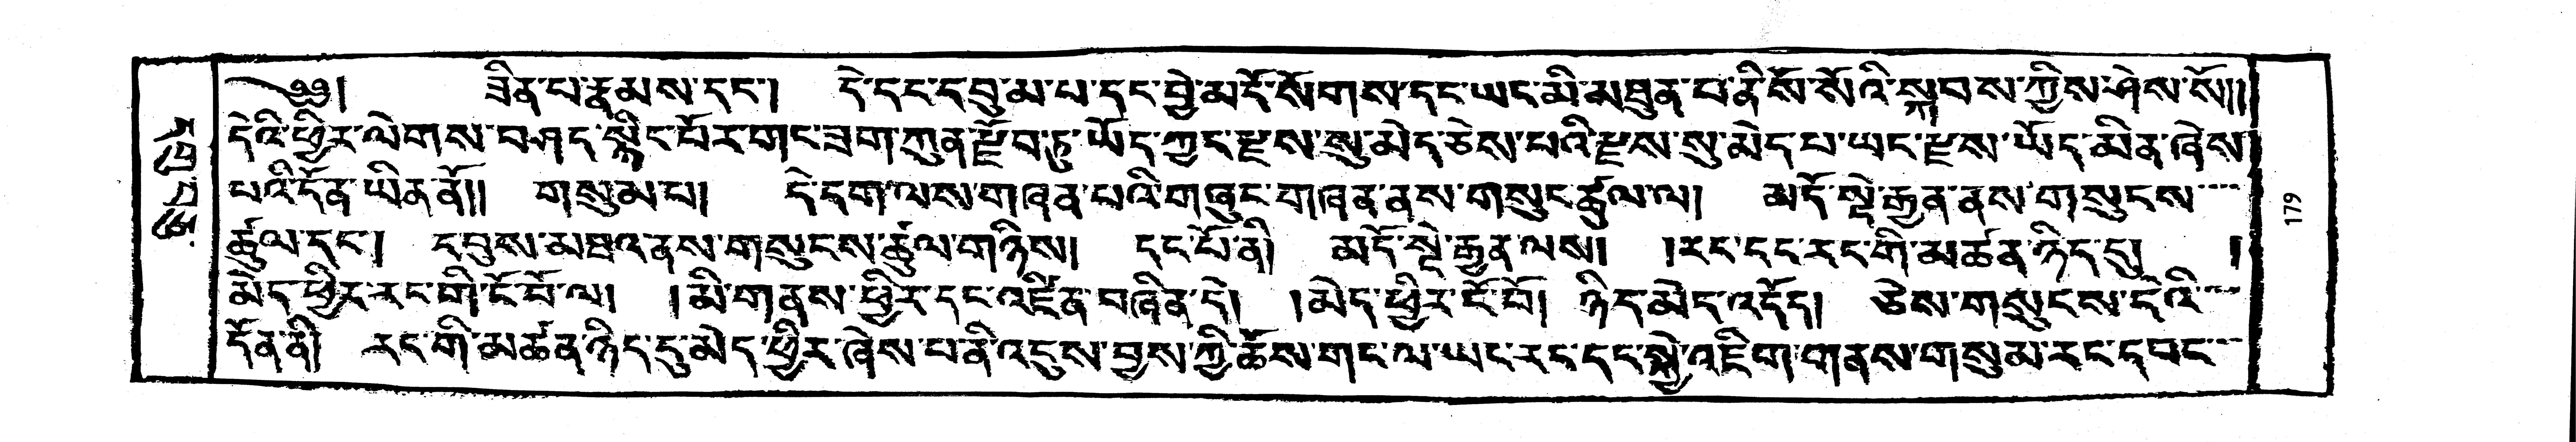༄༅། །ཟིན་པ་རྣམས་དང་། དེ་དང་དབུ་མ་པ་དང་བྱེ་མདོ་སོགས་དང་ཡང་མི་མཐུན་པ་ནི་སོ་སོའི་སྐབས་ཀྱིས་ཤེས་སོ། །
དེའི་ཕྱིར་ལེགས་བཤད་སྙིང་པོར་གང་ཟག་ཀུན་རྫོབ་ཏུ་ཡོད་ཀྱང་རྫས་སུ་མེད་ཅེས་པའི་རྫས་སུ་མེད་པ་ཡང་རྫས་ཡོད་མིན་ཞེས་
པའི་དོན་ཡིན་ནོ། །གསུམ་པ། དེ་དག་ལས་གཞན་པའི་གཞུང་གཞན་ནས་གསུང་ཚུལ་ལ། མདོ་སྡེ་རྒྱན་ནས་གསུངས་
ཚུལ་དང་། དབུས་མཐའ་ནས་གསུངས་ཚུལ་གཉིས། དང་པོ་ནི། མདོ་སྡེ་རྒྱན་ལས། །རང་དང་རང་གི་མཚན་ཉིད་དུ། །
མེད་ཕྱིར་རང་གི་ངོ་བོ་ལ། །མི་གནས་ཕྱིར་དང་འཛིན་བཞིན་དེ། །མེད་ཕྱིར་ངོ་བོ། ཉིད་མེད་འདོད། ཅེས་གསུངས་དེའི་
དོན་ནི། རང་གི་མཚན་ཉིད་དུ་མེད་ཕྱིར་ཞེས་པ་ནི་འདུས་བྱས་ཀྱི་ཆོས་གང་ལ་ཡང་རང་དང་སྐྱེ་འཇིག་གནས་གསུམ་རང་དབང་